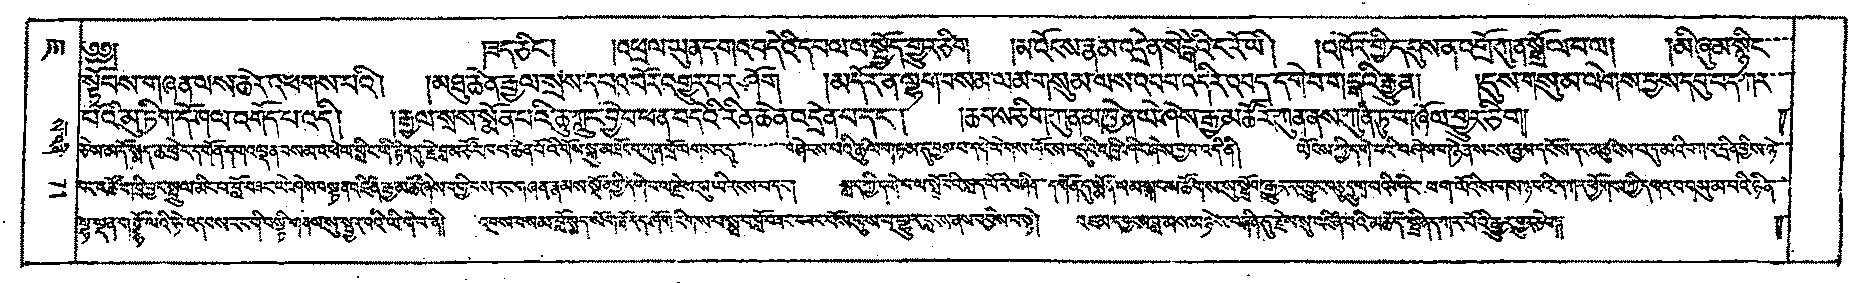༄༅། །ཟད་ཅིང་། །འཕྲལ་ཡུན་དགའ་བདེའི་དཔལ་ལ་སྤྱོད་གྱུར་ཅིག །མ་འོངས་རྣམ་འདྲེན་སེངྒེའི་ང་རོ་ཡི། །འཁོར་གྱི་དབུས་ན་འགྲོ་ཀུན་སྒྲོལ་བ་ལ། །མི་ཞུམ་སྙིང་
སྟོབས་གཞན་ལས་ཆེར་འཕགས་པའི། །མཐུ་ཆེན་རྒྱལ་སྲས་དཔའ་བོར་འགྱུར་བར་ཤོག །མདོར་ན་ལྷག་བསམ་ལམ་གསུམ་ལས་འབབ་འདིར་འབད་དགེ་བ་གངྒའི་རྒྱུན། །དུས་གསུམ་ལེགས་བྱས་དབུ་བ་དཀར་
པོའི་མུ་ཏིག་དོ་ཤལ་འགོད་པ་འདི། །རྒྱལ་སྲས་སྨོན་པའི་ཆུ་ཀླུང་བྱེ་བ་ཕན་བདེའི་རིན་ཆེན་འདྲེན་པ་དང་། །ཆབས་ཅིག་ཀུན་མཁྱེན་ཡེ་ཤེས་རྒྱ་མཚོར་ཀུན་ནས་ཀུན་ཏུ་གཞོལ་གྱུར་ཅིག ། །།
ཅེས་མདོ་སྨད་ཆ་ཕྲེང་དགོན་དགའ་ལྡན་བསམ་འཕེལ་གླིང་གི་རྟེན་དུ་རྗེ་བླ་མ་ཙོང་ཁ་པ་ཆེན་པོའི་གོས་སྐུ་མཐོང་བ་ཀུན་གྲོལ་གསར་དུ་བཞེངས་པའི་ཚུལ་གཏམ་དུ་བྱས་པ་དགེ་ལེགས་ཡོངས་འདུའི་འཁྲི་ཤིང་ཞེས་བྱ་བ་འདི་ནི། ཡོངས་ཀྱི་དགེ་བའི་བཤེས་གཉེན་སངས་རྒྱས་དངོས་དང་མཚུངས་པ་དུ་མའི་བཀའ་དྲིན་གྱིས་ཉེ་
པར་འཚོ་བ་ཁྲི་བྱང་སྤྲུལ་མིང་པ་བློ་བཟང་ཡེ་ཤེས་བསྟན་འཛིན་རྒྱ་མཚོ་ཞེས་བགྱི་བས་རང་གཞན་རྣམས་སྔོན་གྱི་དགེ་བ་ལ་རྗེས་སུ་ཡི་རངས་པ་དང་། སླད་ཀྱི་དགེ་བ་ལ་སྤྲོ་བའི་སླད་ལོ་རེ་བཞིན་དགོན་དུ་སྨོན་ལམ་སྐབས་ཚོགས་སུ་སྒྲོག་རྒྱུར་རབ་བྱུང་བཅུ་དྲུག་པའི་ཤིང་ཕག་ལོའི་སགས་ཉ་བའི་དཀར་ཕྱོགས་ཀྱི་དགའ་བ་གསུམ་པའི་ཉིན་
ལྷ་ལྡན་གནྡྷོ་ལའི་ཉེ་འདབས་རང་གི་བསྟི་གནས་སུ་སྦྱར་བའི་ཡི་གེ་པ་ནི། འབྲས་བསམ་བློ་སྨད་སོག་རྦོ་རད་ཤོག་རིགས་པ་སྨྲ་བ་བློ་བཟང་བཟང་པོས་གུས་པ་ལྷུར་བླངས་ནས་བགྱིས་པ་སྟེ། འཇམ་དབྱངས་བླ་མས་མཉེས་བཞིན་དུ་རྗེས་སུ་འཛིན་པའི་མཆོད་སྤྲིན་དཀར་པོའི་རྒྱུར་གྱུར་ཅིག ། །།